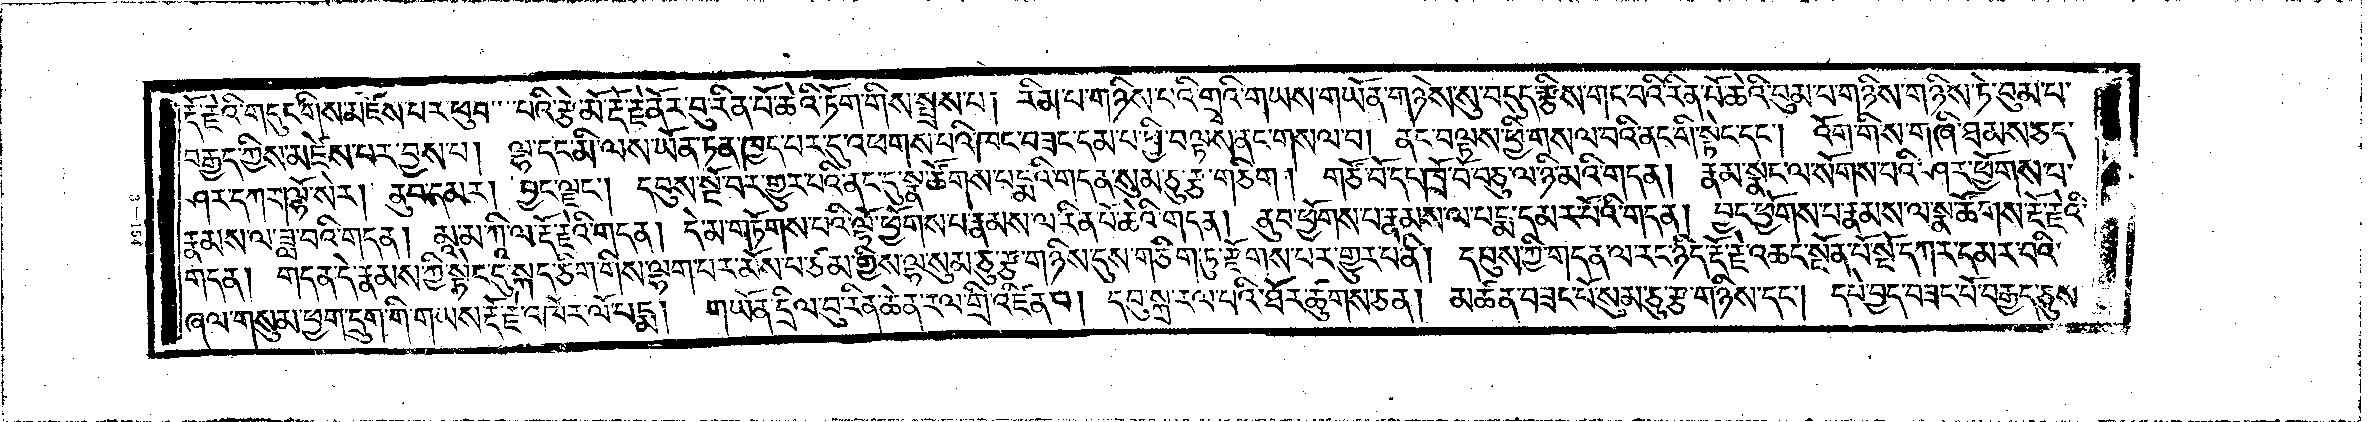རྡོ་རྗེའི་གདུང་གིས་མཛོས་པར་ཕུབ་པའི་རྩེ་མོ་རྡོ་རྗེ་ནོར་བུ་རིན་པོ་ཆེའི་ཏོག་གིས་སྤྲས་པ། རིམ་པ་གཉིས་པའི་གྲྭའི་གཡས་གཡོན་གཉིས་སུ་བདུད་རྩིས་གང་བའི་རིན་པོ་ཆེའི་བུམ་པ་གཉིས་གཉིས་ཏེ་བུམ་པ་
བརྒྱད་ཀྱིས་མཛེས་པར་བྱས་པ། ལྷ་དང་མི་ལས་ཡོན་ཏན་ཁྱད་པར་དུ་འཕགས་པའི་ཁང་བཟང་དམ་པ་ཕྱི་བལྟས་ནང་གསལ་བ། ནང་བལྟས་ཕྱི་གསལ་བའི་ནང་གི་སྟེང་དང་། འོག་གིས་གཞི་ཐམས་ཅད་
ཤར་དཀར། ལྷོ་སེར། ནུབ་དམར། བྱང་ལྗང་། དབུས་སྔོ་བར་གྱུར་པའི་ནང་དུ་སྣ་ཚོགས་པདམའི་གདན་སུམ་ཅུ་རྩ་གཅིག། གཙོ་བོ་དང་ཁྲོ་བོ་བཅུ་ལ་ཉི་མའི་གདན། རྣམ་སྣང་ལ་སོགས་པའི་ཤར་ཕྱོགས་པ་
རྣམས་ལ་ཟླ་བའི་གདན། མཱ་མ་ཀཱི་ལ་རྡོ་རྗེའི་གདན། དེ་མ་གཏོགས་པའི་ལྷོ་ཕྱོགས་པ་རྣམས་ལ་རིན་པོ་ཆེའི་གདན། ནུབ་ཕྱོགས་པ་རྣམས་ལ་པདམ་དམར་པོའི་གདན། བྱང་ཕྱོགས་པ་རྣམས་ལ་སྣ་ཚོགས་རྡོ་རྗེའི་
གདན། གདན་དེ་རྣམས་ཀྱི་སྟེང་དུ་སྐད་ཅིག་གིས་ལྷག་པར་མོས་པ་ཙམ་གྱིས་ལྷ་སུམ་ཅུ་རྩ་གཉིས་དུས་གཅིག་ཏུ་རྫོགས་པར་གྱུར་པ་ནི། དབུས་ཀྱི་གདན་ལ་རང་ཉིད་རྡོ་རྗེ་འཆང་སྔོན་པོ་སྔོ་དཀར་དམར་བའི་
ཞལ་གསུམ་ཕྱག་དྲུག་གི་གཡས་རྡོ་རྗེ་འཁོར་ལོ་པདམ། གཡོན་དྲིལ་བུ་རིན་ཆེན་རལ་གྲི་འཛིན་པ། དབུ་སྐྲ་རལ་པའི་ཐོར་ཚུགས་ཅན། མཚན་བཟང་པོ་སུམ་ཅུ་རྩ་གཉིས་དང་། དཔེ་བྱད་བཟང་པོ་བརྒྱད་ཅུས་